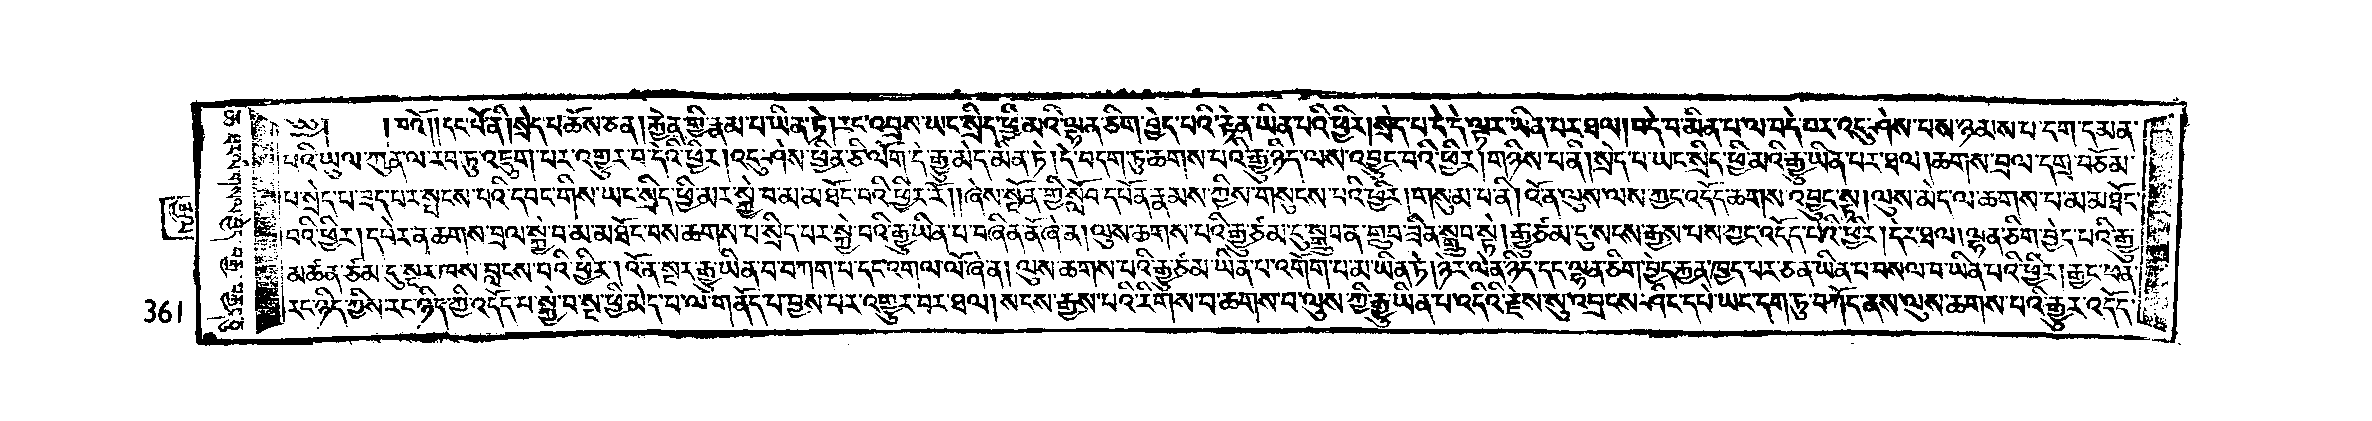༄༅། །བའོ། །དང་པོ་ནི། སྲེད་པ་ཆོས་ཅན། རྐྱེན་གྱི་རྣམ་པ་ཡིན་ཏེ། རང་འབྲས་ཡང་སྲིད་ཕྱི་མའི་ལྷན་ཅིག་བྱེད་པའི་རྟེན་ཡིན་པའི་ཕྱིར། སྲེད་པ་དེ་དེ་ལྟར་ཡིན་པར་ཐལ། བདེ་བ་མིན་པ་ལ་བདེ་བར་འདུ་ཤེས་པས་ཉམས་པ་དག་དམན་
པའི་ཡུལ་ཀུན་ལ་རབ་ཏུ་འཇུག་པར་འགྱུར་བ་དེའི་ཕྱིར། འདུ་ཤེས་ཕྱིན་ཅི་ལོག་དེ་རྒྱུ་མེད་མིན་ཏེ། དེ་བདག་ཏུ་ཆགས་པའི་རྒྱུ་ཉིད་ལས་འབྱུང་བའི་ཕྱིར། གཉིས་པ་ནི། སྲེད་པ་ཡང་སྲིད་ཕྱི་མའི་རྒྱུ་ཡིན་པར་ཐལ། ཆགས་བྲལ་དགྲ་བཅོམ་
པ་སྲེད་པ་ཟད་པར་སྤངས་པའི་དབང་གིས་ཡང་སྲིད་ཕྱི་མར་སྐྱེ་བ་མ་མཐོང་བའི་ཕྱིར་རོ། །ཞེས་སྔོན་གྱི་སློབ་དཔོན་རྣམས་ཀྱིས་གསུངས་པའི་ཕྱིར། གསུམ་པ་ནི། འོ་ན་ལུས་ལས་ཀྱང་འདོད་ཆགས་འབྱུང་སྟེ། ལུས་མེད་ལ་ཆགས་པ་མ་མཐོང་
བའི་ཕྱིར། དཔེར་ན་ཆགས་བྲལ་སྐྱེ་བ་མ་མཐོང་བས་ཆགས་པ་སྲིད་པར་སྐྱེ་བའི་རྒྱུ་ཡིན་པ་བཞིན་ནོ་ཞེ་ན། ལུས་ཆགས་པའི་རྒྱུ་ཙམ་དུ་སྒྲུབ་ན་གྲུབ་ཟིན་སྒྲུབ་སྟེ། རྒྱུ་ཙམ་དུ་སངས་རྒྱས་པས་ཀྱང་འདོད་པའི་ཕྱིར། དེར་ཐལ། ལྷན་ཅིག་བྱེད་པའི་རྒྱུ་
མཚན་ཙམ་དུ་སྔར་ཁས་བླངས་པའི་ཕྱིར། འོ་ན་སྔར་རྒྱུ་ཡིན་པ་བཀག་པ་དང་འགལ་ལོ་ཞེ་ན། ལུས་ཆགས་པའི་རྒྱུ་ཙམ་ཡིན་པ་འགོག་པ་མ་ཡིན་ཏེ། ཉེར་ལེན་ཉིད་དང་ལྷན་ཅིག་བྱེད་རྐྱེན་ཁྱད་པར་ཅན་ཡིན་པ་བསལ་བ་ཡིན་པའི་ཕྱིར། རྒྱང་ཕན་
རང་ཉིད་ཀྱིས་རང་ཉིད་ཀྱི་འདོད་པ་སྐྱེ་བ་སྔ་ཕྱི་མེད་པ་ལ་གནོད་པ་བྱས་པར་འགྱུར་བར་ཐལ། སངས་རྒྱས་པའི་རིགས་པ་ཆགས་པ་ལུས་ཀྱི་རྒྱུ་ཡིན་པ་འདིའི་རྗེས་སུ་འབྲངས་ཤིང་དཔེ་ཡང་དག་ཏུ་བཀོད་ནས་ལུས་ཆགས་པའི་རྒྱུར་འདོད་